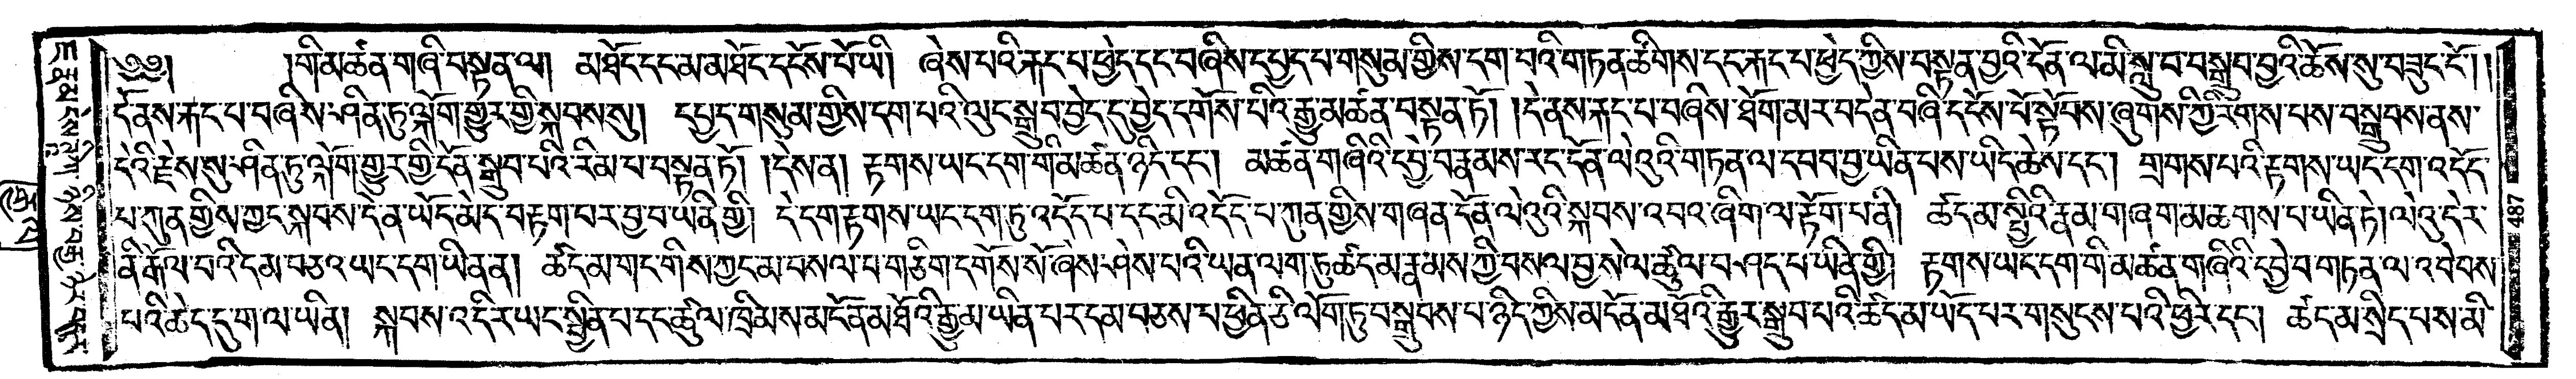༄༅། །གི་མཚན་གཞི་བསྟན་ལ། མཐོང་དང་མ་མཐོང་དངོས་པོ་ཡི། ཞེས་པའི་རྐང་པ་ཕྱེད་དང་བཞིས་དཔྱད་པ་གསུམ་གྱིས་དག་པའི་གཏན་ཚིགས་དང་རྐང་པ་ཕྱེད་ཀྱིས་བསྟན་བྱའི་དོན་ལ་མི་སླུ་བ་བསྒྲུབ་བྱའི་ཆོས་སུ་བཟུང་ངོ།།
དེ་ནས་རྐང་པ་བཞིས་ཤིན་ཏུ་ལྐོག་གྱུར་གྱི་སྐབས་སུ། དཔྱད་གསུམ་གྱིས་དག་པའི་ལུང་སྒྲུབ་བྱེད་དུ་བྱེད་དགོས་པའི་རྒྱུ་མཚན་བསྟན་ཏོ། །དེ་ནས་རྐང་པ་བཞིས་ཐོག་མར་བདེན་བཞི་དངོས་པོ་སྟོབས་ཞུགས་ཀྱི་རིགས་པས་བསྒྲུབས་ནས་
དེའི་རྗེས་སུ་ཤིན་ཏུ་ལྐོག་གྱུར་གྱི་དོན་སྒྲུབ་པའི་རིམ་པ་བསྟན་ཏོ། །དེས་ན། རྟགས་ཡང་དག་གི་མཚན་ཉིད་དང་། མཚན་གཞིའི་དབྱེ་བ་རྣམས་རང་དོན་ལེའུའི་གཏན་ལ་དབབ་བྱ་ཡིན་པས་ཡིད་ཆེས་དང་། གྲགས་པའི་རྟགས་ཡང་དག་འདོད་
པ་ཀུན་གྱིས་ཀྱང་སྐབས་དེ་ན་ཡོད་མེད་བརྟག་པར་བྱ་བ་ཡིན་གྱི། དེ་དག་རྟགས་ཡང་དག་ཏུ་འདོད་པ་དང་མི་འདོད་པ་ཀུན་གྱིས་གཞན་དོན་ལེའུའི་སྐབས་འབའ་ཞིག་ལ་རྟོག་པ་ནི། ཚད་མ་སྤྱིའི་རྣམ་གཞག་མ་ཆགས་པ་ཡིན་ཏེ། ལེའུ་དེར་
ནི་རྒོལ་བའི་དམ་བཅའ་ཡང་དག་ཡིན་ན། ཚད་མ་གང་གིས་ཀྱང་མ་བསལ་བ་གཅིག་དགོས་སོ་ཞེས་ཤེས་པའི་ཡན་ལག་ཏུ་ཚད་མ་རྣམས་ཀྱི་བསལ་བྱ་སེལ་ཚུལ་བཤད་པ་ཡིན་གྱི། རྟགས་ཡང་དག་གི་མཚན་གཞིའི་དབྱེ་བ་གཏན་ལ་འབེབས་
པའི་ཆེད་དུ་ག་ལ་ཡིན། སྐབས་འདིར་ཡང་སྦྱིན་པ་དང་ཚུལ་ཁྲིམས་མངོན་མཐོའི་རྒྱུ་མ་ཡིན་པར་དམ་བཅས་པ་ཕྱིན་ཅི་ལོག་ཏུ་བསྒྲུབས་པ་ཉིད་ཀྱིས་མངོན་མཐོའི་རྒྱུར་སྒྲུབ་པའི་ཚད་མ་ཡོད་པར་གསུངས་པའི་ཕྱིར་དང་། ཚད་མ་སྲིད་པས་མི་